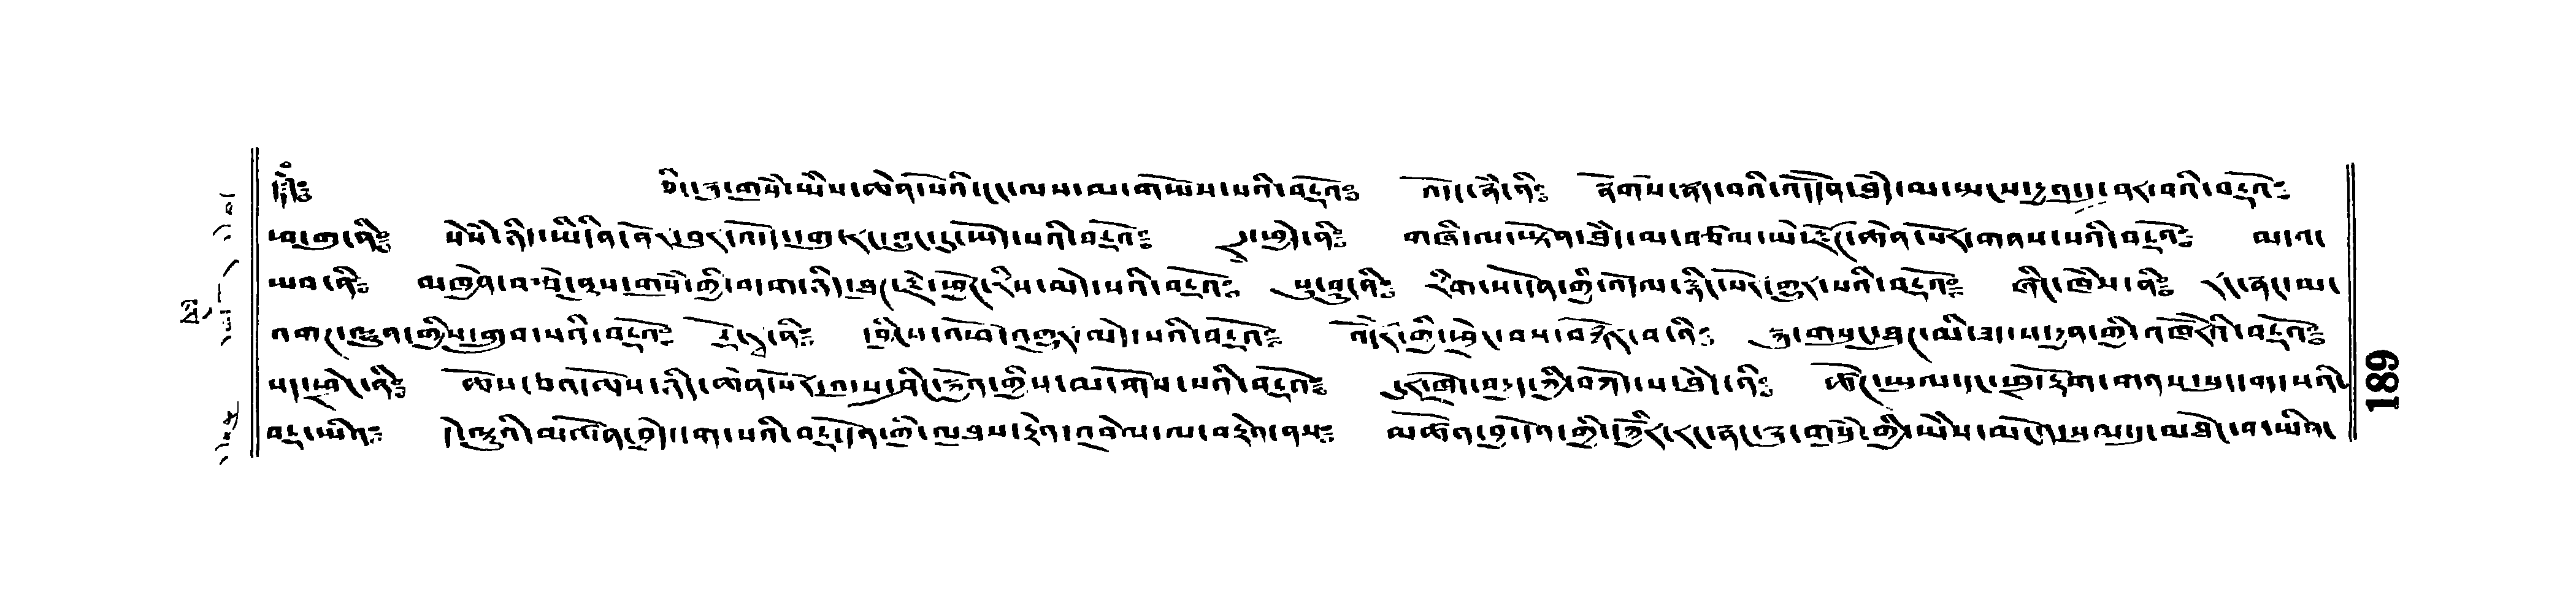ཅིང་སྐུ་གསུམ་ཡེ་ཤེས་ཆེན་པོའི་ངང་ལས་མ་གཡོས་པའི་བརྡའོ༔ འདོད་རྣམ་ནི༔ སྣ་ཚོགས་སྣང་བའི་འདོད་ཡོན་ཐམས་ཅད་མ་སྤངས་རྒྱན་དུ་ཤར་བའི་བརྡའོ༔ 
ཕ་གུ་ནི༔ སེམས་ཉིད་ཡིད་བཞིན་ནོར་བུར་འདོད་དགུ་རང་བྱུང་དུ་ཡོད་པའི་བརྡའོ༔ དྲྭ་ཕྱེད་ནི༔ གཞི་ལ་ཡོན་ཏན་ཐམས་ཅད་མ་བཙལ་ཡེ་རྫོགས་ཆེན་པོར་གནས་པའི་བརྡའོ༔ མདའ་
ཡབ་ནི༔ མཁྱེན་བརྩེ་ནུས་གསུམ་གྱི་བདག་ཉིད་ཐུགས་རྗེ་ཕྱོགས་རིས་མེད་པའི་བརྡའོ༔ པུ་ཤུད་ནི༔ རིག་པ་དོན་གྱི་འོད་གསལ་སྙིང་པོར་གྱུར་པའི་བརྡའོ༔ ཞིང་ཁམས་ནི༔ རང་སྣང་མ་
འགགས་ལྷུན་གྱིས་གྲུབ་པའི་བརྡའོ༔ རྡོ་རྭ་ནི༔ དབྱིངས་འཕོ་འགྱུར་མེད་པའི་བརྡའོ༔ འོད་ཟེར་གྱི་ཕྲེང་བས་བསྐོར་བ་ནི༔ སྐུ་གསུང་ཐུགས་མི་ཟད་པ་རྒྱན་གྱི་འཁོར་ལོའི་བརྡའོ༔ 
པད་ཕྲེང་ནི༔ ཆོས་ཅན་ཆོས་ཉིད་ཆེན་པོར་འདུས་ཤིང་སྐྱོན་གྱིས་མ་གོས་པའི་བརྡའོ༔ དུར་ཁྲོད་བརྒྱད་ཀྱི་བཀོད་པ་ཐམས་ཅད་ནི༔ ཚོགས་ཡུལ་དང་ཕྲ་རྟོག་གནས་སུ་དག་པའི་
བརྡ་ཡིན༔ དེ་ལྟ་བུའི་མཚོན་བྱེད་དག་པའི་བརྡ་དོན་གྱི་མཐུ་དང་རྟེན་འབྲེལ་ལ་བརྟེན་ནས༔ མཚོན་བྱ་དོན་གྱི་དཀྱིལ་འཁོར་རང་སྣང་སྐུ་གསུམ་གྱི་ཡེ་ཤེས་མངོན་སུམ་དུ་མཐོང་བ་ཡིན་